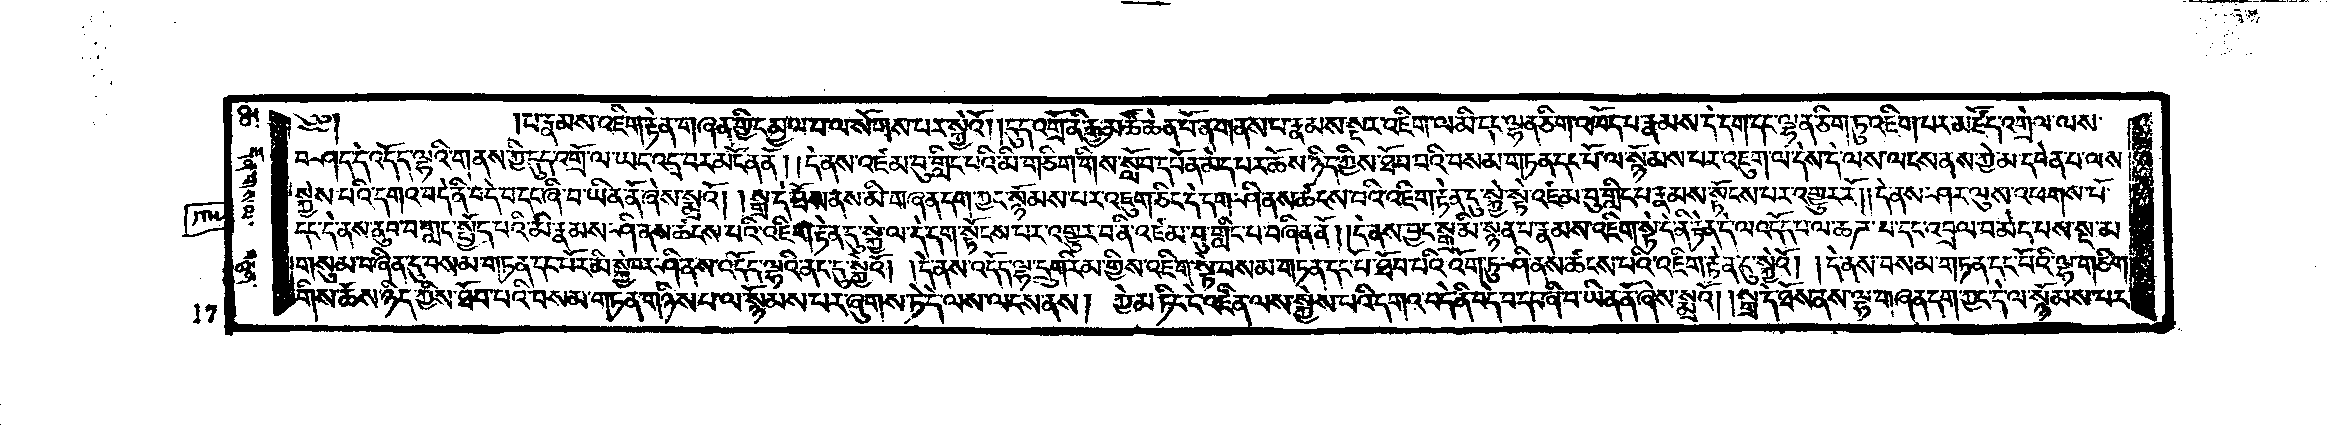༄༅། །པ་རྣམས་འཇིག་རྟེན་གཞན་གྱི་དམྱལ་བ་ལ་སོགས་པར་སྐྱེའོ། །དུད་འགྲོ་ནི་རྒྱ་མཚོ་ཆེན་པོ་ན་གནས་པ་རྣམས་སྔར་འཇིག་ལ་མི་དང་ལྷན་ཅིག་འཁོད་པ་རྣམས་དེ་དག་དང་ལྷན་ཅིག་ཏུ་འཇིག་པར་མཛོད་འགྲེལ་ལས་
བཤད་དེ་འདོད་ལྷའི་གནས་ཀྱི་དུད་འགྲོ་ལ་ཡང་འདྲ་བར་མངོན་ནོ། །དེ་ནས་འཛམ་བུ་གླིང་པའི་མི་གཅིག་གིས་སློབ་དཔོན་མེད་པར་ཆོས་ཉིད་ཀྱིས་ཐོབ་པའི་བསམ་གཏན་དང་པོ་ལ་སྙོམས་པར་འཇུག་ལ་དེས་དེ་ལས་ལངས་ནས་ཀྱེ་མ་དབེན་པ་ལས་
སྐྱེས་པའི་དགའ་བདེ་ནི་བདེ་བ་དང་ཞི་བ་ཡིན་ནོ་ཞེས་སྨྲའོ། །སྒྲ་དེ་ཐོས་ནས་མི་གཞན་དག་ཀྱང་སྙོམས་པར་འཇུག་ཅིང་དེ་དག་ཤི་ནས་ཚངས་པའི་འཇིག་རྟེན་དུ་སྐྱེ་སྟེ་འཛམ་བུ་གླིང་པ་རྣམས་སྟོངས་པར་འགྱུར་རོ། །དེ་ནས་ཤར་ལུས་འཕགས་པོ་
དང་དེ་ནས་ནུབ་བ་གླང་སྤྱོད་པའི་མི་རྣམས་ཤི་ནས་ཚངས་པའི་འཇིག་རྟེན་དུ་སྐྱེ་ལ་དེ་དག་སྟོངས་པར་འགྱུར་བ་ནི་འཛམ་བུ་གླིང་པ་བཞིན་ནོ། །དེ་ནས་བྱང་སྒྲ་མི་སྙན་པ་རྣམས་འཇིག་སྟེ་དེ་ནི་རྟེན་དེ་ལ་འདོད་པ་ལ་ཆགས་པ་དང་འབྲལ་བ་མེད་པས་སྔ་མ་
གསུམ་བཞིན་དུ་བསམ་གཏན་དང་པོར་མི་སྐྱེ་བར་ཤི་ནས་འདོད་ལྷའི་ནང་དུ་སྐྱེའོ། །དེ་ནས་འདོད་ལྷ་དྲུག་རིམ་གྱིས་འཇིག་སྟེ་བསམ་གཏན་དང་པོ་ཐོབ་པའི་འོག་ཏུ་ཤི་ནས་ཚངས་པའི་འཇིག་རྟེན་དུ་སྐྱེའོ། །དེ་ནས་བསམ་གཏན་དང་པོའི་ལྷ་གཅིག་
གིས་ཆོས་ཉིད་ཀྱིས་ཐོབ་པའི་བསམ་གཏན་གཉིས་པ་ལ་སྙོམས་པར་ཞུགས་ཏེ་དེ་ལས་ལངས་ནས། ཀྱེ་མ་ཏིང་ངེ་འཛིན་ལས་སྐྱེས་པའི་དགའ་བདེ་ནི་བདེ་བ་དང་ཞི་བ་ཡིན་ནོ་ཞེས་སྨྲའོ། །སྒྲ་དེ་ཐོས་ནས་ལྷ་གཞན་དག་ཀྱང་དེ་ལ་སྙོམས་པར་